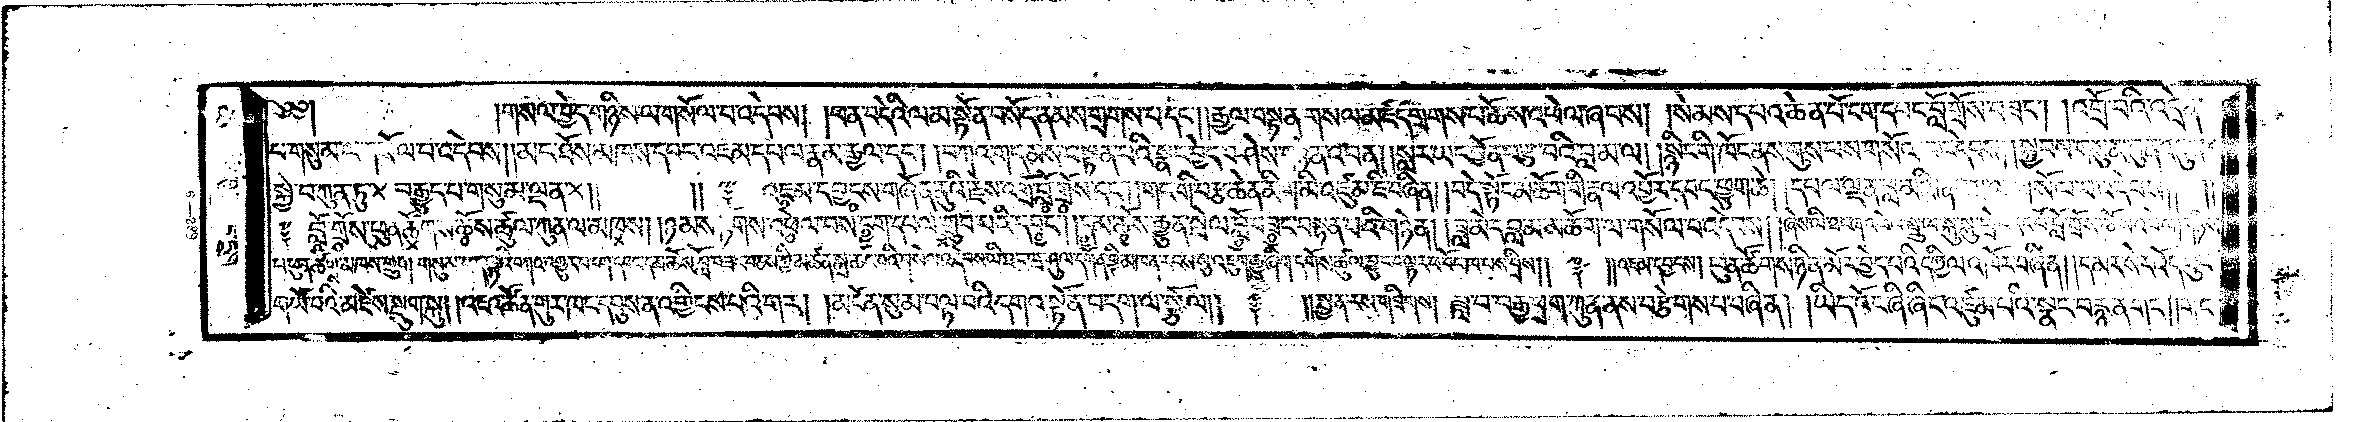༄༅། །གསལ་བྱེད་གཉིས་ལ་གསོལ་བ་འདེབས། །ཕན་བདེའི་ལམ་སྟོན་བསོད་ནམས་གྲགས་པ་དང་། རྒྱལ་བསྟན་གསལ་མཛད་གྲགས་པ་ཆོས་འཕེལ་ཞབས། །སེམས་དཔའ་ཆེན་པོ་ངག་དབང་བློ་གྲོས་བཟང་། །འགྲོ་བའི་འདྲེན་
པ་གསུམ་ལ་གསོལ་བ་འདེབས། །མང་ཐོས་མཁས་དབང་འཇམ་དཔལ་རྣམ་རྒྱལ་དང་། །བཀའ་གདམས། བསྟན་པའི་སྣང་བྱེད་བཤེས་གཉེན་འབན། །སླར་ཡང་བྱོན་བརྩ་བའི་བླ་མ་ལ། སྙིང་གི་ཁོང་ནས་གུས་པས་གསོལ་བ་འདེབས། །སྐྱབས་གསུམ་ཀུན་འདུས྾་
སྐྱེ་བ་ཀུན་ཏུ྾་བརྒྱུད་པ་གསུམ་ལྡན྾།། །།༈ འཇམ་དབྱངས་གཞོན་ནུའི་རྗེས་འགྲོ་བློ་གྲོས་དང་། གང་གི་བརྩེ་ཆེན་མིག་མི་འཛུམ་ཧི་བཞིན། །བདེ་སྟོང་མཆོག་གི་རྣལ་འབྱོར་དབང་ཕྱུག་ཆེ། །དཔལ་ལྡན་བླ་མའི་ཞབས་ལ་གསོལ་བ་འདེབས།། །།
༈ བློ་གྲོས་ཕུན་ཚོགས་ཆོས་ཚུལ་ཀུན་ལ་མཁས། །ཉམས་རྟོགས་འཕེལ་བས་ངག་དཔལ་གྲུབ་པའི་དབང་། །དམ་ཆོས་རྒྱུན་སྤེལ་བློ་བཟང་བསྟན་པའི་གཉེར། །ཟླ་མེད་བླ་མཆོག་ལ་གསོལ་བ་འདེབས། །ཞེས་ལི་ཐང་ཞ་འཕེལ་སྤྲུལ་སྐུ་སྐུ་ཕྲང་དང་པོ་བློ་གྲོས་ཆོས་འཕེལ་གཉིས་
པ་ཕུན་ཚགས་མཁས་གྲུབ། གསུམ་པ་ད་ལྟའི་བཀའ་འགྱུར་པ་ཤ་དབང་ཆོས་བློ་བཟང་བཅས་ཀྱི་མཚན་སྒྲ་ཚང་བའི་གསོལ་འདེབས་བླི་ཐང་ཝ་ཤུལ་དགོང་གྱི་མཁན་རབས་སུ་འཇུག་རྒྱུ་ཞིག་དགོས་ཚུལ་བྱུང་བལྟར་ཕ་བོང་ཁ་པས་བྲིས།། ༈ །།འཇམ་དབྱངས། ཕུན་ཚོགས་ཉིན་མོར་བྱེད་པའི་དཀྱིལ་འཁོར་བཞིན། །དམར་སེར་འོད་ཕུང་
གཡོ་བའི་མཛེས་སྡུག་སྐུ། །འཇའ་ཚོན་གུར་ཁང་དབུས་ན་འགྱིངས་པའི་གར། །མངོན་སུམ་བལྟ་བའི་དགའ་སྟོན་བདག་ལ་སྩོལ།། ༈ །།སྤྱན་རས་གཟིགས། ཟླ་བ་བརྒྱ་ཕྲག་ཀུན་ནས་བརྩེགས་པ་བཞིན། །ཡིད་འོང་ཞི་ཞིང་འཛུམ་པའི་སྣང་རྙན་གང་། །གང་